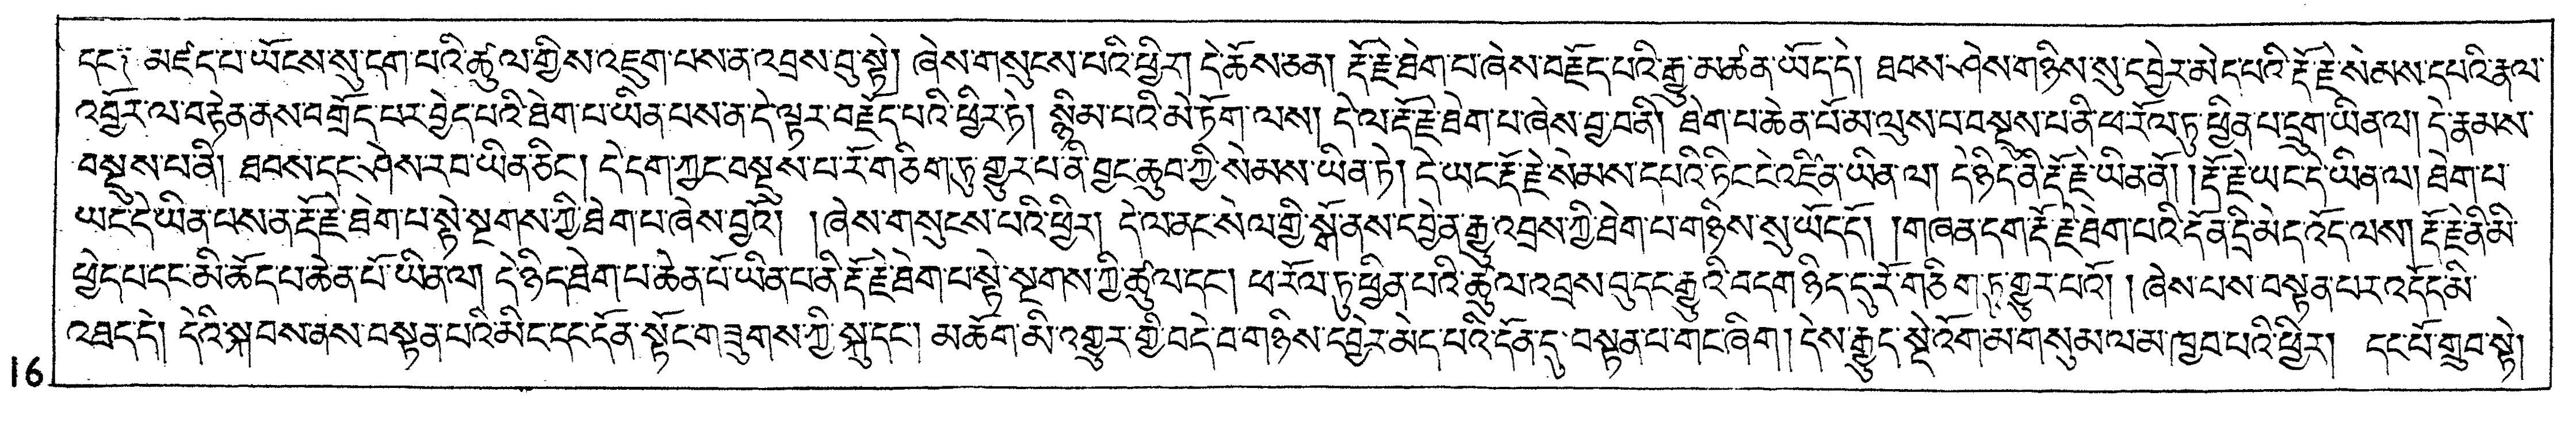དང༑ མཛད་པ་ཡོངས་སུ་དག་པའི་ཚུལ་གྱིས་འཇུག་པས་ན་འབྲས་བུ་སྟེ། ཞེས་གསུངས་པའི་ཕྱིར། དེ་ཆོས་ཅན། རྡོ་རྗེ་ཐེག་པ་ཞེས་བརྗོད་པའི་རྒྱུ་མཚན་ཡོད་དེ། ཐབས་ཤེས་གཉིས་སུ་དབྱེར་མེད་པའི་རྡོ་རྗེ་སེམས་དཔའི་རྣལ་
འབྱོར་ལ་བརྟེན་ནས་བགྲོད་པར་བྱེད་པའི་ཐེག་པ་ཡིན་པས་ན་དེ་ལྟར་བརྗོད་པའི་ཕྱིར་ཏེ། སྙིམ་པའི་མེ་ཏོག་ལས། དེ་ལ་རྡོ་རྗེ་ཐེག་པ་ཞེས་བྱ་བ་ནི། ཐེག་པ་ཆེན་པོ་མ་ལུས་པ་བསྡུས་པ་ནི་ཕ་རོལ་ཏུ་ཕྱིན་པ་དྲུག་ཡིན་ལ། དེ་རྣམས་
བསྡུས་པ་ནི། ཐབས་དང་ཤེས་རབ་ཡིན་ཅིང་། དེ་དག་ཀྱང་བསྡུས་པ་རོ་གཅིག་ཏུ་གྱུར་པ་ནི་བྱང་ཆུབ་ཀྱི་སེམས་ཡིན་ཏེ། དེ་ཡང་རྡོ་རྗེ་སེམས་དཔའི་ཏིང་ངེ་འཛིན་ཡིན་ལ། དེ་ཉིད་ནི་རྡོ་རྗེ་ཡིན་ནོ། །རྡོ་རྗེ་ཡང་དེ་ཡིན་ལ། ཐེག་པ་
ཡང་དེ་ཡིན་པས་ན་རྡོ་རྗེ་ཐེག་པ་སྟེ་སྔགས་ཀྱི་ཐེག་པ་ཞེས་བྱའོ། །ཞེས་གསུངས་པའི་ཕྱིར། དེ་ལ་ནང་སེལ་གྱི་སྒོ་ནས་དབྱེ་ན་རྒྱུ་འབྲས་ཀྱི་ཐེག་པ་གཉིས་སུ་ཡོད་དོ། །གཞན་དག་རྡོ་རྗེ་ཐེག་པའི་དོན་དྲི་མེད་འོད་ལས། རྡོ་རྗེ་ནི་མི་
ཕྱེད་པ་དང་མི་ཆོད་པ་ཆེན་པོ་ཡིན་ལ། དེ་ཉིད་ཐེག་པ་ཆེན་པོ་ཡིན་པ་ནི་རྡོ་རྗེ་ཐེག་པ་སྟེ་སྔགས་ཀྱི་ཚུལ་དང་། ཕ་རོལ་ཏུ་ཕྱིན་པའི་ཚུལ་འབྲས་བུ་དང་རྒྱུའི་བདག་ཉིད་དུ་རོ་གཅིག་ཏུ་གྱུར་པའོ། །ཞེས་པས་བསྟན་པར་འདོད་མི་
འཐད་དེ། དེའི་སྐབས་ནས་བསྟན་པའི་མིང་དང་དོན་སྟོང་གཟུགས་ཀྱི་སྐུ་དང་། མཆོག་མི་འགྱུར་གྱི་བདེ་བ་གཉིས་དབྱེར་མེད་པའི་དོན་དུ་བསྟན་པ་གང་ཞིག །དེས་རྒྱུད་སྡེ་འོག་མ་གསུམ་ལ་མ་ཁྱབ་པའི་ཕྱིར། དང་པོ་གྲུབ་སྟེ།